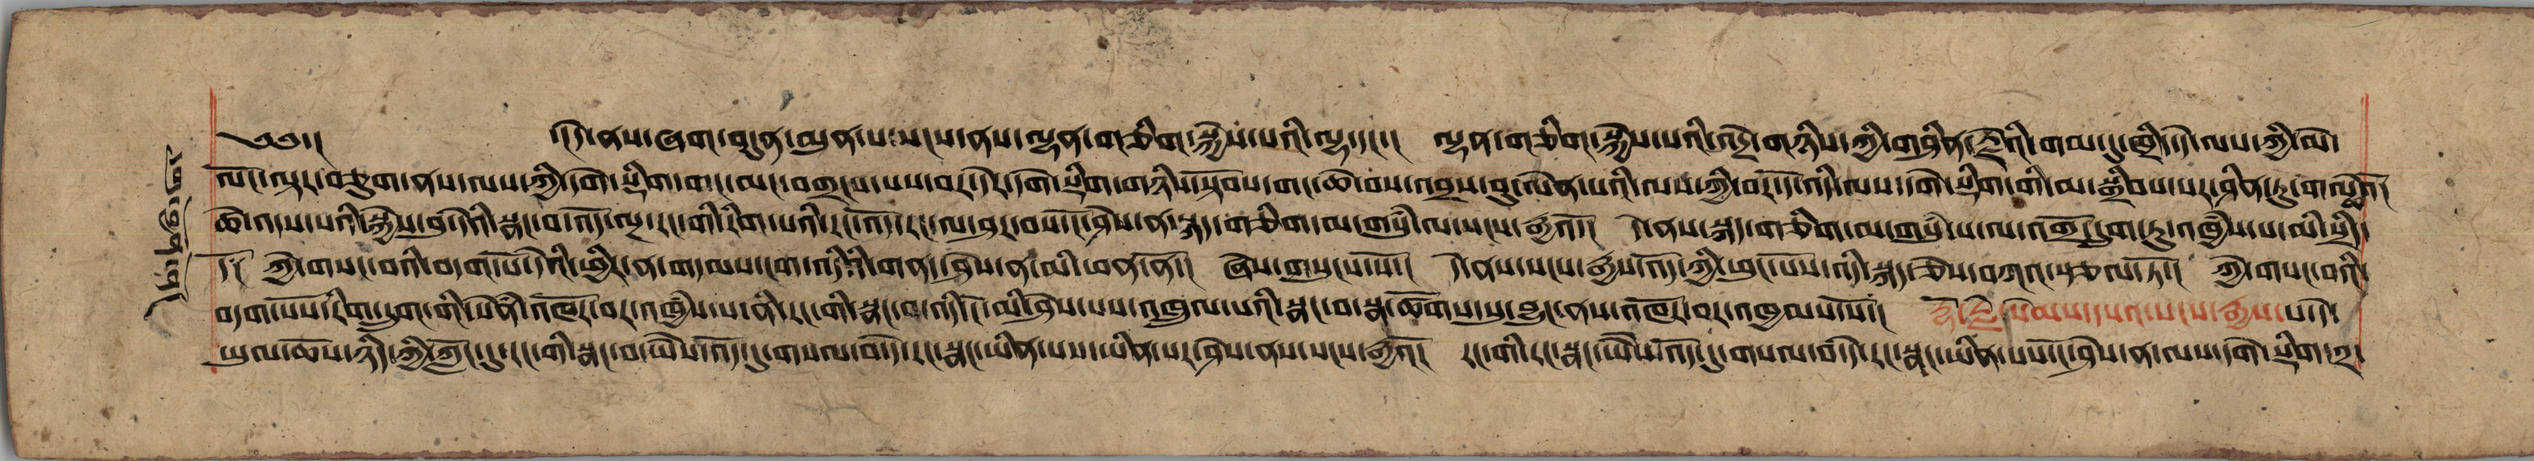༄༅་། ་།དེ་ནས་ཞག་བདུན་མུན་པ་སངས་ནས་ལྷན་གཅིག་སྐྱེས་པའི་ལྷ་དང་། ལྷན་གཅིག་སྐྱེས་པའི་འདྲེ་གཉིས་ཀྱི་གཤིན་རྗེའི་གམ་དུ་ཁྲིད་དེ་ལས་ཀྱི་མེ་
ལོང་ལྟར་བཅུག་ནས་ལས་ཀྱི་དགེ་སྡིག་གང་མང་བགྲངས་པས་བར་དེར་དགེ་སྡིག་གཉིས་སྟོབས་གང་ཆེ་བས་འབྲས་བུ་ལེན་པའི་ལས་ཀྱི་བར་དོ་འདི་ལས་དགེ་སྡིག་གི་མ་སྒྲིབས་པར་ཤིན་ཏུ་གལྖེའོ།
ཚེ་འདས་པའི་སྐྱེས་བུ་དེའི་སྣང་བ་འོད་ལྔ་རང་གི་རིག་པའི་རང་འོད་རང་ལ་ཤར་བས་ངོ་ཤེས་ན་སྐད་གཅིག་མ་གསུཾ་ལ་སངས་རྒྱའོ་། དེ་ནས་སྐད་གཅིག་མ་གསུཾ་པ་ལ་འགྲོ་དྲུག་ཏུ་འཁྱཾས་པ་མི་སྲིད་
དོ༑ ཀྱེ་གསང་བའི་བདག་པོ་དེའི་ཕྱིར་ན་གདམས་ངག་འདིའི་གནད་ཤེས་ན་མི་ཕན་ནོ་། ཞེས་གསུངས་སོ་། དེ་ནས་སངས་རྒྱས་འོད་ཀྱི་ཕུང་པོས་འདི་སྐད་ཅེས་བཀའ་སྩལ་ཏོ་། ཀྱེ་གསང་བའི་
བདག་པོས་རིག་དྲུག་གི་སེཾན་འཁོར་བར་འཁྱཾས་པ་ནི་རང་གི་སྣང་བ་འདི་ངོ་མི་ཤེས་པས་འཁྲུལ་པའི་སྣང་བ་སྣ་ཚོགས་སུ་བྱུང་ནས་འཁོར་བར་འཁྱམས་སོ་། རྡོ་རྗེ་སེམས་དཔའ་སངས་རྒྱས་པ་དེ་
ཡུལ་ཆོས་ཉིད་ཀྱི་ཀློང་དུ་རང་གི་སྣང་བ་ཡཻས་འོད་དུ་གསལ་བ་དེ་རང་སྣང་ཡིན་པས་ཡིན་པར་ཤེས་ནས་སངས་རྒྱའོ། རང་གི་རང་སྣང་ཡཻས་འོད་དུ་་གསལ་བ་དེ་རང་སྣང་ཡིན་པས་ངོ་ཤེས་ན་ལས་དགེ་སྡིག་༢་